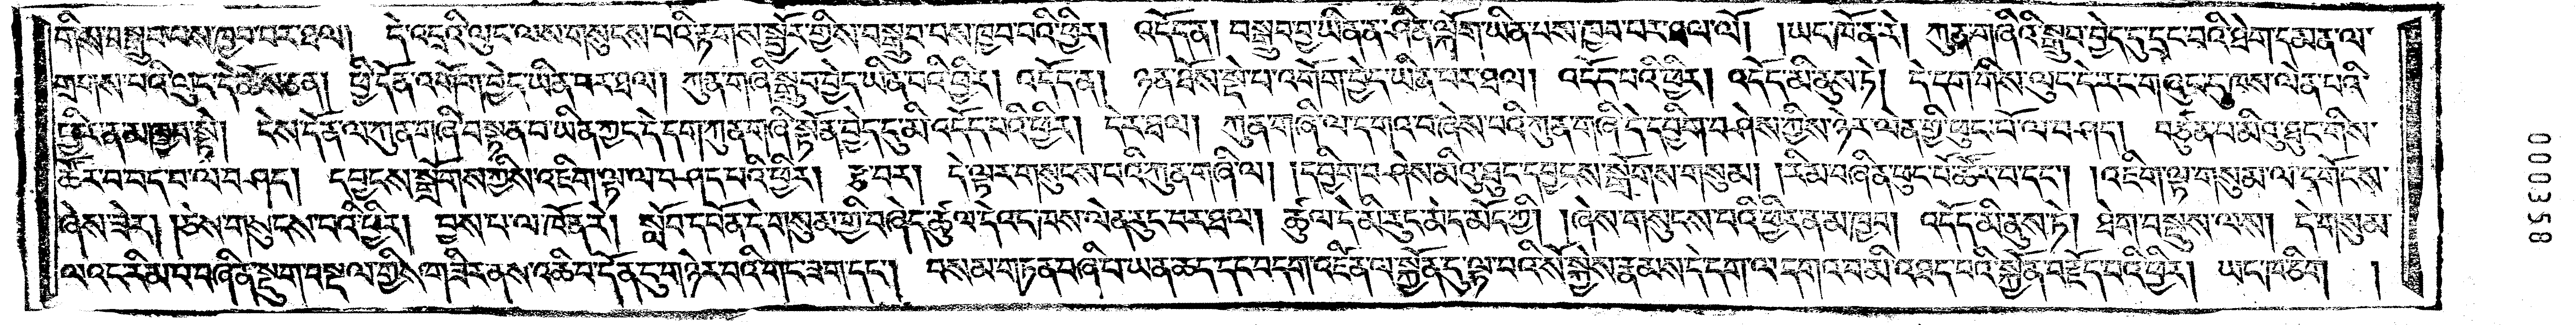གིས་བསྒྲུབ་པས་ཁྱབ་པར་ཐལ། དེ་འདྲའི་ལུང་ལས་གསུངས་པའི་རྟགས་སྦྱོར་གྱིས་བསྒྲུབ་པས་ཁྱབ་པའི་ཕྱིར། འདོད་ན། བསྒྲུབ་བྱ་ཡིན་ན་ཤིན་ལྐོག་ཡིན་པས་ཁྱབ་པར་ཐལ་ལོ། །ཡང་ཁོ་ན་རེ། ཀུན་གཞིའི་སྒྲུབ་བྱེད་དུ་དྲང་བའི་ཐེག་དམན་ལ་
གྲགས་པའི་ལུང་དེ་ཆོས་ཅན། ཕྱི་དོན་འགོག་བྱེད་ཡིན་པར་ཐལ། ཀུན་གཞི་སྒྲུབ་བྱེད་ཡིན་པའི་ཕྱིར། འདོད་ན། ཉན་ཐོས་སྡེ་པ་འགོག་བྱེད་ཡིན་པར་ཐལ། འདོད་པའི་ཕྱིར། འདོད་མི་ནུས་ཏེ། དེ་དག་གིས་ལུང་དེ་རང་གཞུང་དུ་ཁས་ལེན་པའི་
ཕྱིར་ན་མ་ཁྱབ་སྟེ། ངེས་དོན་ལ་ཀུན་གཞི་བསྟན་པ་ཡིན་ཀྱང་དེ་དག་ཀུན་གཞི་སྟོན་བྱེད་དུ་མི་འདོད་པའི་ཕྱིར། དེར་ཐལ། ཀུན་གཞི་ལ་དགའ་བ་ཞེས་པའི་ཀུན་གཞི་དེ་དབྱིག་བཤེས་ཀྱིས་ཉེར་ལེན་གྱི་ཕུང་པོ་ལ་བཤད། བཙུན་པ་མིའུ་ཐུང་གིས་
ཚོར་བ་བདེ་བ་ལ་བཤད། དབྱངས་སྒྲོགས་ཀྱིས་འཇིག་ལྟ་ལ་བཤད་པའི་ཕྱིར། རྩ་བར། དེ་ལྟར་གསུངས་པའི་ཀུན་གཞི་ལ། །དབྱིག་བཤེས་མིའུ་ཐུང་དབྱངས་སྒྲོགས་གསུམ། །རིམ་བཞིན་ཕུང་པོ་ཚོར་བ་དང་། །འཇིག་ལྟ་གསུམ་ལེ་དགོངས་
ཞེས་ཟེར། །ཅེས་གསུངས་པའི་ཕྱིར། བྱས་པ་ལ་ཁོ་ན་རེ། སློབ་དཔོན་དེ་གསུམ་གྱི་བཞེད་ཚུལ་དེའང་ཁས་ལེན་རུང་བར་ཐལ། ཚུལ་ཡྡེ་མི་རུང་མེད་མོད་ཀྱི། །ཞེས་གསུངས་བའི་ཕྱིར་ན་མ་ཁྱབ། འདོད་མི་ནུས་ཏེ། ཐེག་བསྡུས་ལས། དེ་གསུམ་
ལའང་རིམ་པ་བཞིན་སྡུག་བསྔལ་གྱིས་གཟིར་ནས་འཆི་བ་དོན་དུ་གཉེར་བའི་གང་ཟག་དང་། བསམ་གཏན་བཞི་པ་ཡན་ཆད་དང་བདག་འཛིན་ལ་སྐྱོན་དུ་ལྟ་བའི་སོ་སྐྱེས་རྣམས་དེ་དག་ལ་དགའ་བ་མི་འཐད་བའི་སྐྱོན་བརྗོད་པའི་ཕྱིར། ཡང་ཁ་ཅིག །